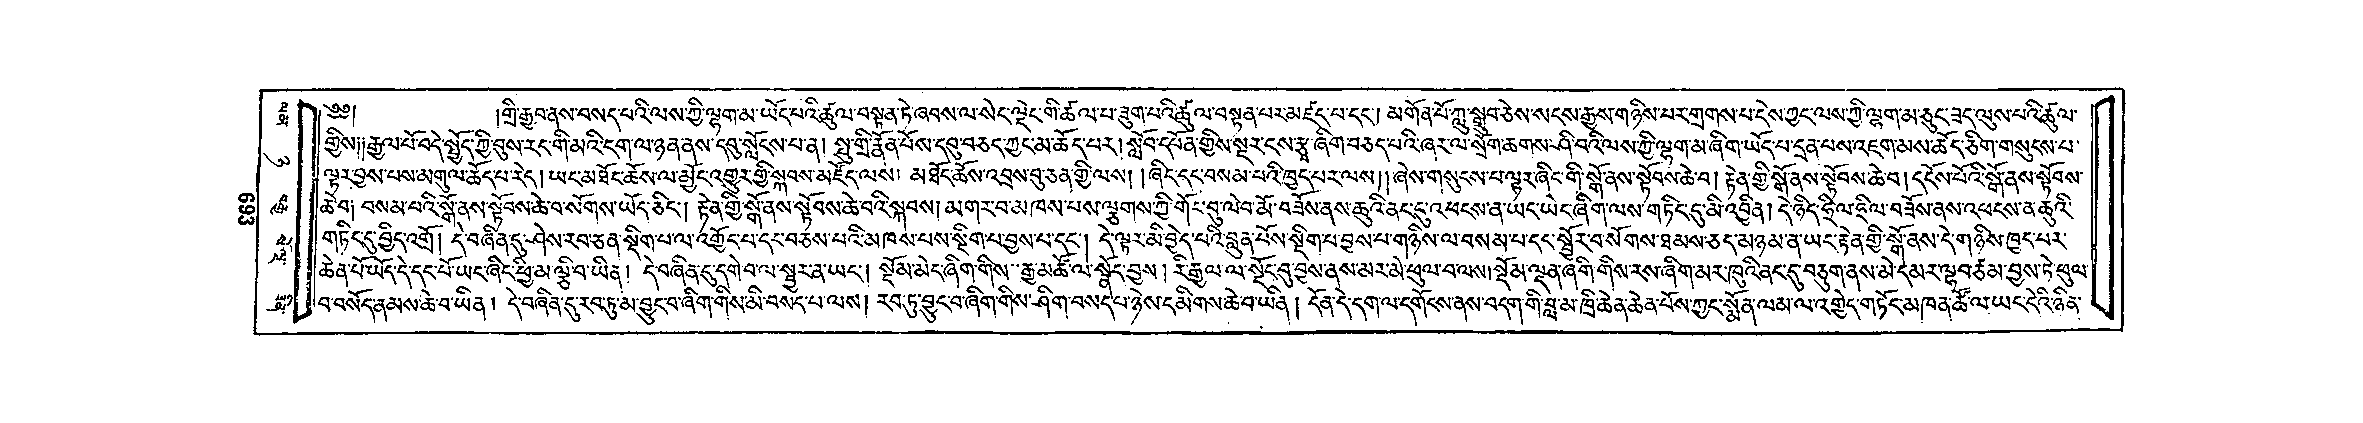༄༅། །གྲི་རྒྱབ་ནས་བསད་པའི་ལས་ཀྱི་ལྷག་མ་ཡོད་པའི་ཚུལ་བསྟན་ཏེ་ཞབས་ལ་སེང་ལྡེང་གི་ཚལ་པ་ཟུག་པའི་ཚུལ་བསྟན་པར་མཛད་པ་དང་། མགོན་པོ་ཀླུ་སྒྲུབ་ཅེས་སངས་རྒྱས་གཉིས་པར་གྲགས་པ་དེས་ཀྱང་ལས་ཀྱི་ལྷག་མ་ཅུང་ཟད་ལུས་པའི་ཚུལ་
གྱིས། །རྒྱལ་པོ་བདེ་སྤྱོད་ཀྱི་བུས་རང་གི་མའི་ངག་ལ་ཉན་ནས་དབུ་སློངས་པ་ན། སྤུ་གྲི་རྣོན་པོས་དབུ་བཅད་ཀྱང་མ་ཆོད་པར། སློབ་དཔོན་གྱིས་སྔར་ངས་རྩྭ་ཞིག་བཅད་པའི་ཞར་ལ་སྲོག་ཆགས་ཤི་བའི་ལས་ཀྱི་ལྷག་མ་ཞིག་ཡོད་པ་དྲན་པས་འཇག་མས་ཆོད་ཅིག་གསུངས་པ་
ལྟར་བྱས་པས་མགུལ་ཆོད་པ་རེད། ཡང་མཐོང་ཆོས་ལ་མྱོང་འགྱུར་གྱི་སྐབས་མཛོད་ལས། མཐོང་ཆོས་འབྲས་བུ་ཅན་གྱི་ལས། །ཞིང་དང་བསམ་པའི་ཁྱད་པར་ལས། །ཞེས་གསུངས་པ་ལྟར་ཞིང་གི་སྒོ་ནས་སྟོབས་ཆེ་བ། རྟེན་གྱི་སྒོ་ནས་སྟོབས་ཆེ་བ། དངོས་པོའི་སྒོ་ནས་སྟོབས་
ཆེ་བ། བསམ་པའི་སྒོ་ནས་སྟོབས་ཆེ་བ་སོགས་ཡོད་ཅིང་། རྟེན་གྱི་སྒོ་ནས་སྟོབས་ཆེ་བའི་སྐབས། མགར་བ་མཁས་པས་ལྕགས་ཀྱི་གོང་བུ་ལེབ་མོ་བཟོས་ནས་ཆུའི་ནང་དུ་འཕངས་ན་ཡང་ཡེང་ཞིག་ལས་གཏིང་དུ་མི་འབྱིན། དེ་ཉིད་ཧྲིལ་ཧྲིལ་བཟོས་ནས་འཕངས་ན་ཆུའི་
གཏིང་དུ་བྱིད་འགྲོ། དེ་བཞིན་དུ་ཤེས་རབ་ཅན་སྡིག་པ་ལ་འགྱོད་པ་དང་བཅས་པའི་མཁས་པས་སྡིག་པ་བྱས་པ་དང་། དེ་ལྟར་མི་བྱེད་པའི་བླུན་པོས་སྡིག་པ་བྱས་པ་གཉིས་ལ་བསམ་པ་དང་སྦྱོར་བ་སོགས་ཐམས་ཅད་མཉམ་ན་ཡང་རྟེན་གྱི་སྒོ་ནས་དེ་གཉིས་ཁྱད་པར་
ཆེན་པོ་ཡོད་དེ་དང་པོ་ཡང་ཞིང་ཕྱི་མ་ལྕི་བ་ཡིན། དེ་བཞིན་དུ་དགེ་བ་ལ་སྦྱར་ན་ཡང་། སྡོམ་མེད་ཞིག་གིས་རྒྱ་མཚོ་ལ་སྣོད་བྱས། རི་རྒྱལ་ལ་སྡོང་བུ་བྱས་ནས་མར་མེ་ཕུལ་བ་ལས། སྡོམ་ལྡན་ཞིག་གིས་རས་ཞིག་མར་ཁུའི་ནང་དུ་བཅུག་ནས་མེ་དམར་ལྷབ་ཙམ་བྱས་ཏེ་ཕུལ་
བ་བསོད་ནམས་ཆེ་བ་ཡིན། དེ་བཞིན་དུ་རབ་ཏུ་མ་བྱུང་བ་ཞིག་གིས་མི་བསད་པ་ལས། རབ་ཏུ་བྱུང་བ་ཞིག་གིས་ཤིག་བསད་པ་ཉེས་དམིགས་ཆེ་བ་ཡིན། དོན་དེ་དག་ལ་དགོངས་ནས་བདག་གི་བླ་མ་ཁྲི་ཆེན་ཆེན་པོས་ཀྱང་སྨོན་ལམ་ལ་འགྱེད་གཏོང་མཁན་ཚོ་ལ་ཡང་དེའི་ཉིན་